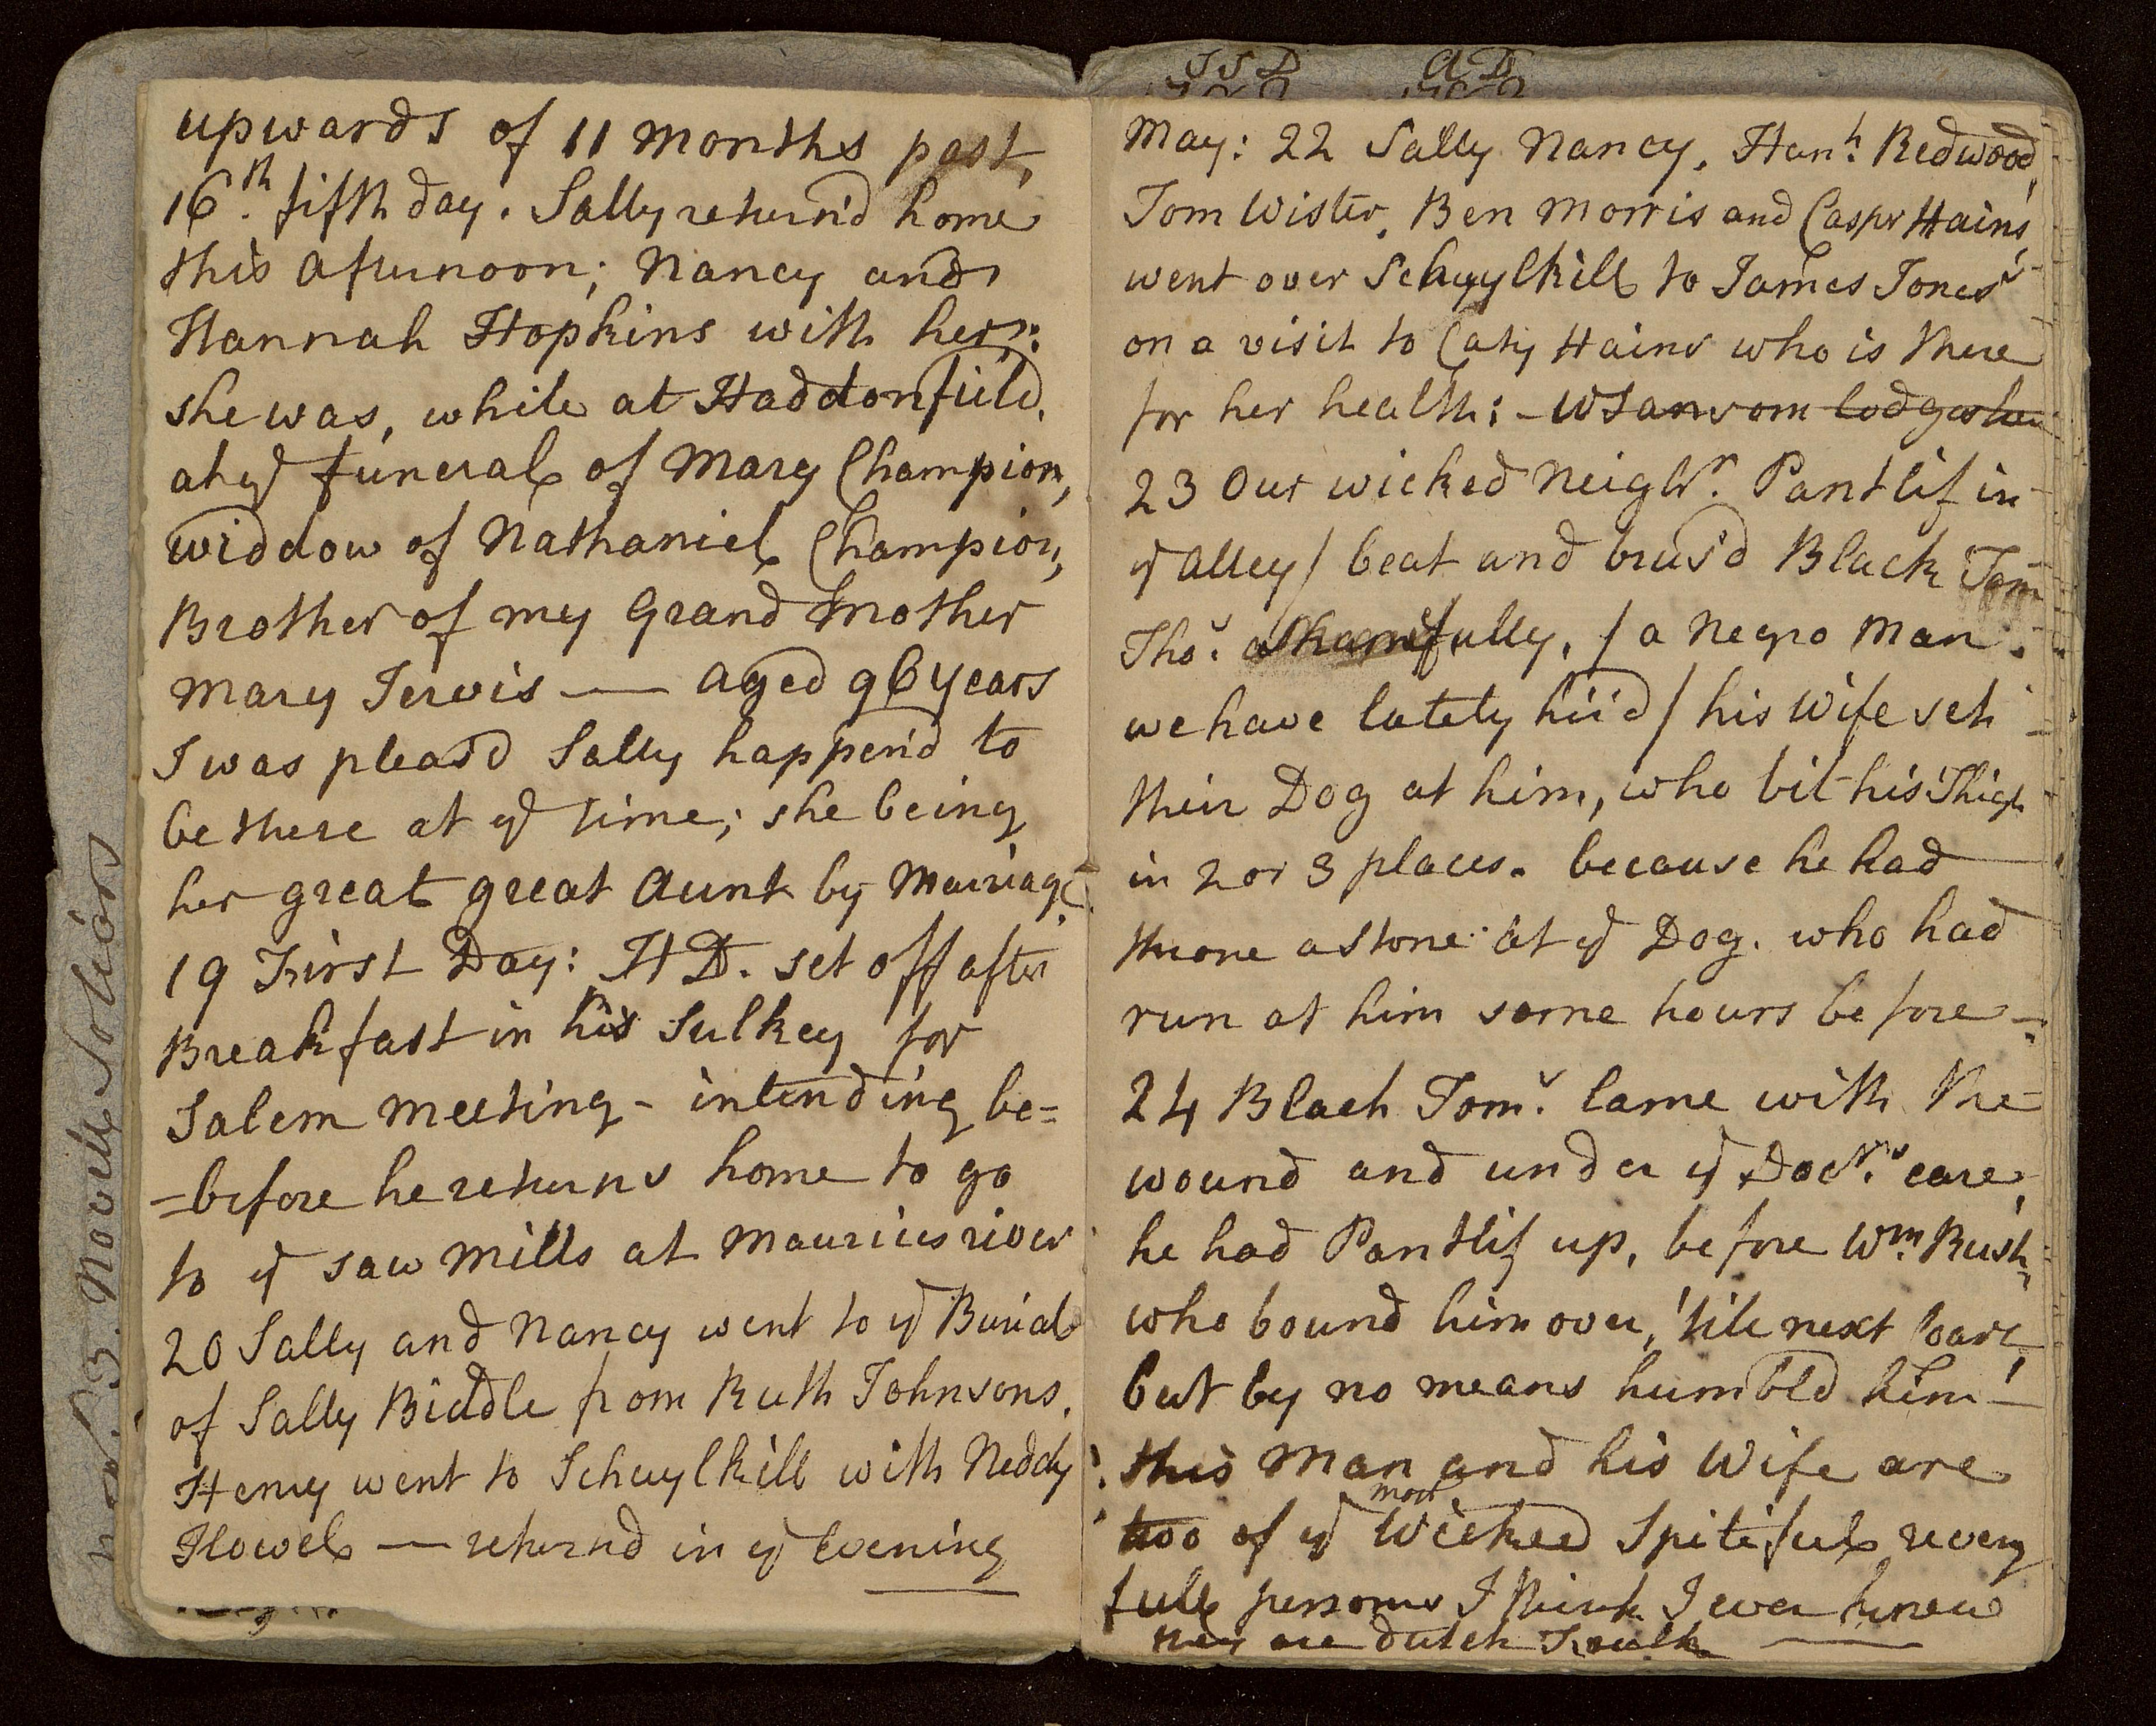upwards of 11 months past,
16^th. fifth day. Sally return'd home
this afternoon; Nancy and
Hannah Hopkins with her:
she was while at Haddonfield,
at y^e funeral of Mary Champion,
Widdow of Nathaniel Champion,
Brother of my Grand Mother
Mary Jervis- aged 96 years
I was pleasd Sally happen'd to
be there at y^e time; she being
her great great Aunt by Marriage
19 First Day: H D. set off after
Breakfast in his Sulkey for
Salem meeting- intending be-
-before he returns home to go
to y^e saw Mills at Maurices river
20 Sally and Nancy went to y^e Burial
of Sally Biddle from Ruth Johnsons,
Henry went to Schuylkill with Neddy
Howel- returnd in y^e Evening
May: 22 Sally Nancy, Han^h. Redwood,
Tom Wister, Ben Morris and Caspr Hains,
went over Schuylkill to James Jones^s
on a visit to Caty Hains who is there
for her health;- W Sansom lodges her
23 our wicked Neigh^r. Pantlif in
y^e Alley/ beat and brus'd Black Tom-
Tho.^s Shamefully, / a Negro man.
we have lately hir'd/ his wife set
their Dog at him, who bit his Thigh
in 2 or 3 places, because he had
throne a stone at y^e Dog. who had
run at him some hours be fore-
24 Black Tom^s. lame with the-
wound and under y^e Doc^rs. care
he had Pantlif up, be fore W^m. Rush
who bound him over, 'till next Coar
but by no means humbld him-
this Man and his wife are
most
two of y^e Wicked Spitiful revery
full persons I think I ever knew
they are dutch Foulk